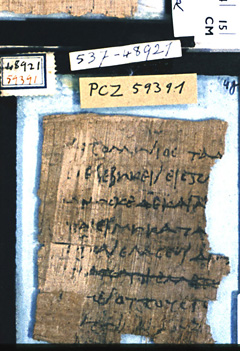απολλωνιοϲταδ
ενεβεβηκεινειϲπλοιον
γινωϲκεδεκαια
αιειμηκατα
ανελαϲϲονδικα
απαγγελλετω
μενουτουϲπ